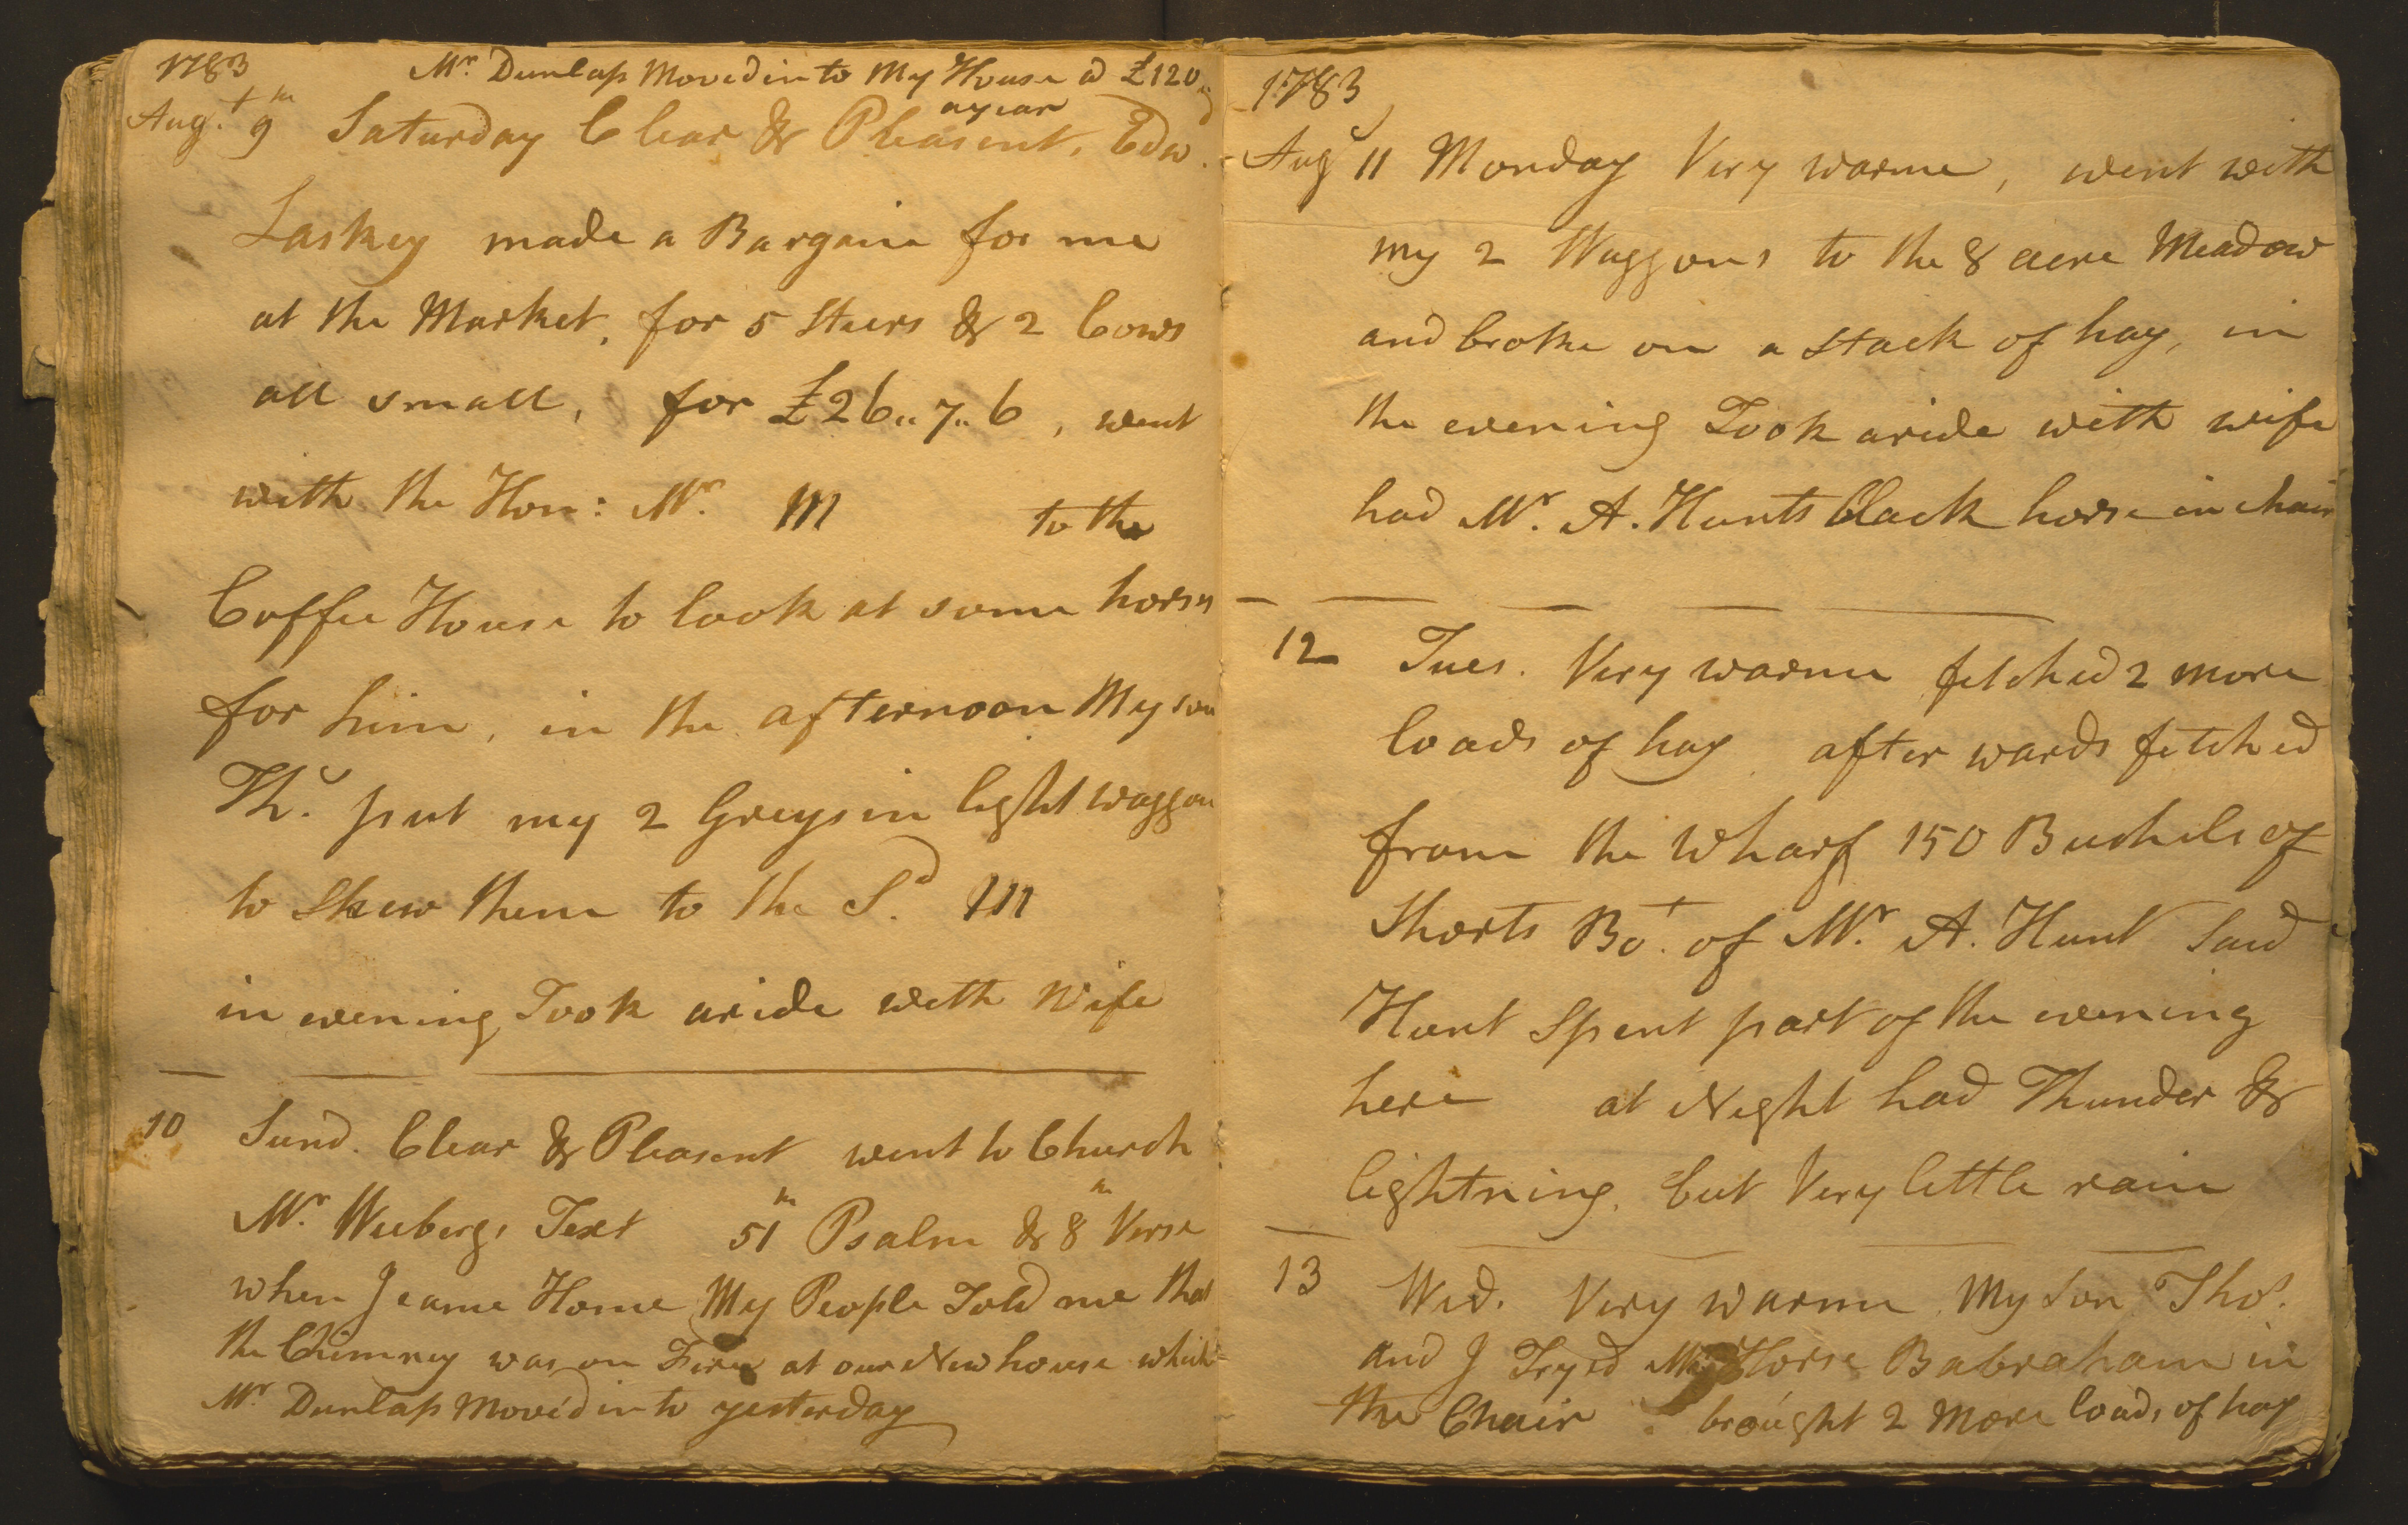1783
M^r. Dunlap Moved in to My House @ £120
a year
Aug^t. 9^th Saturday Clear & Pleasent. Edw^d
Laskey made a Bargain for me
at the Market for 5 steers & 2 Cows
all small, for £26.7.6, went
with the Hon: M^r. M to the
Coffee House to look at some horses
for him in the afternoon My son
Th^s. put my 2 Greys in light Waggon
to Shew them to the s^d. 111
in evening Took a ride with Wife
10 Sund. Clear & Pleasent went to Churoh
M^r. Weibergs Text 51^th Psalm & 8^th Verse
when I came Home, My People Told me that
the Chimney was on Fire at our New house which
M^r. Dunlap Move'd in to yesterday
1783
Aug 11 Monday Very warme, went with
my 2 Waggons to the 8 acre Meadow
and broke on a Stack of hay, in
the evening Took a ride with wife
had M^r. A. Hunts black horse in chair
12 Tues. Very warme fetched 2 more
loads of hay after wards fetched
from the Wharf 150 Bushels of
Shorts Bo^t. of M^r. A. Hunt Said
Hunt Spent part of the evening
here at Night had Thunder &
lightning, but Very little rain
13 Wed. Very warme My Son Tho^s.
and I Tryed My Horse Babraham in
the Chair brought 2 More load, of hay